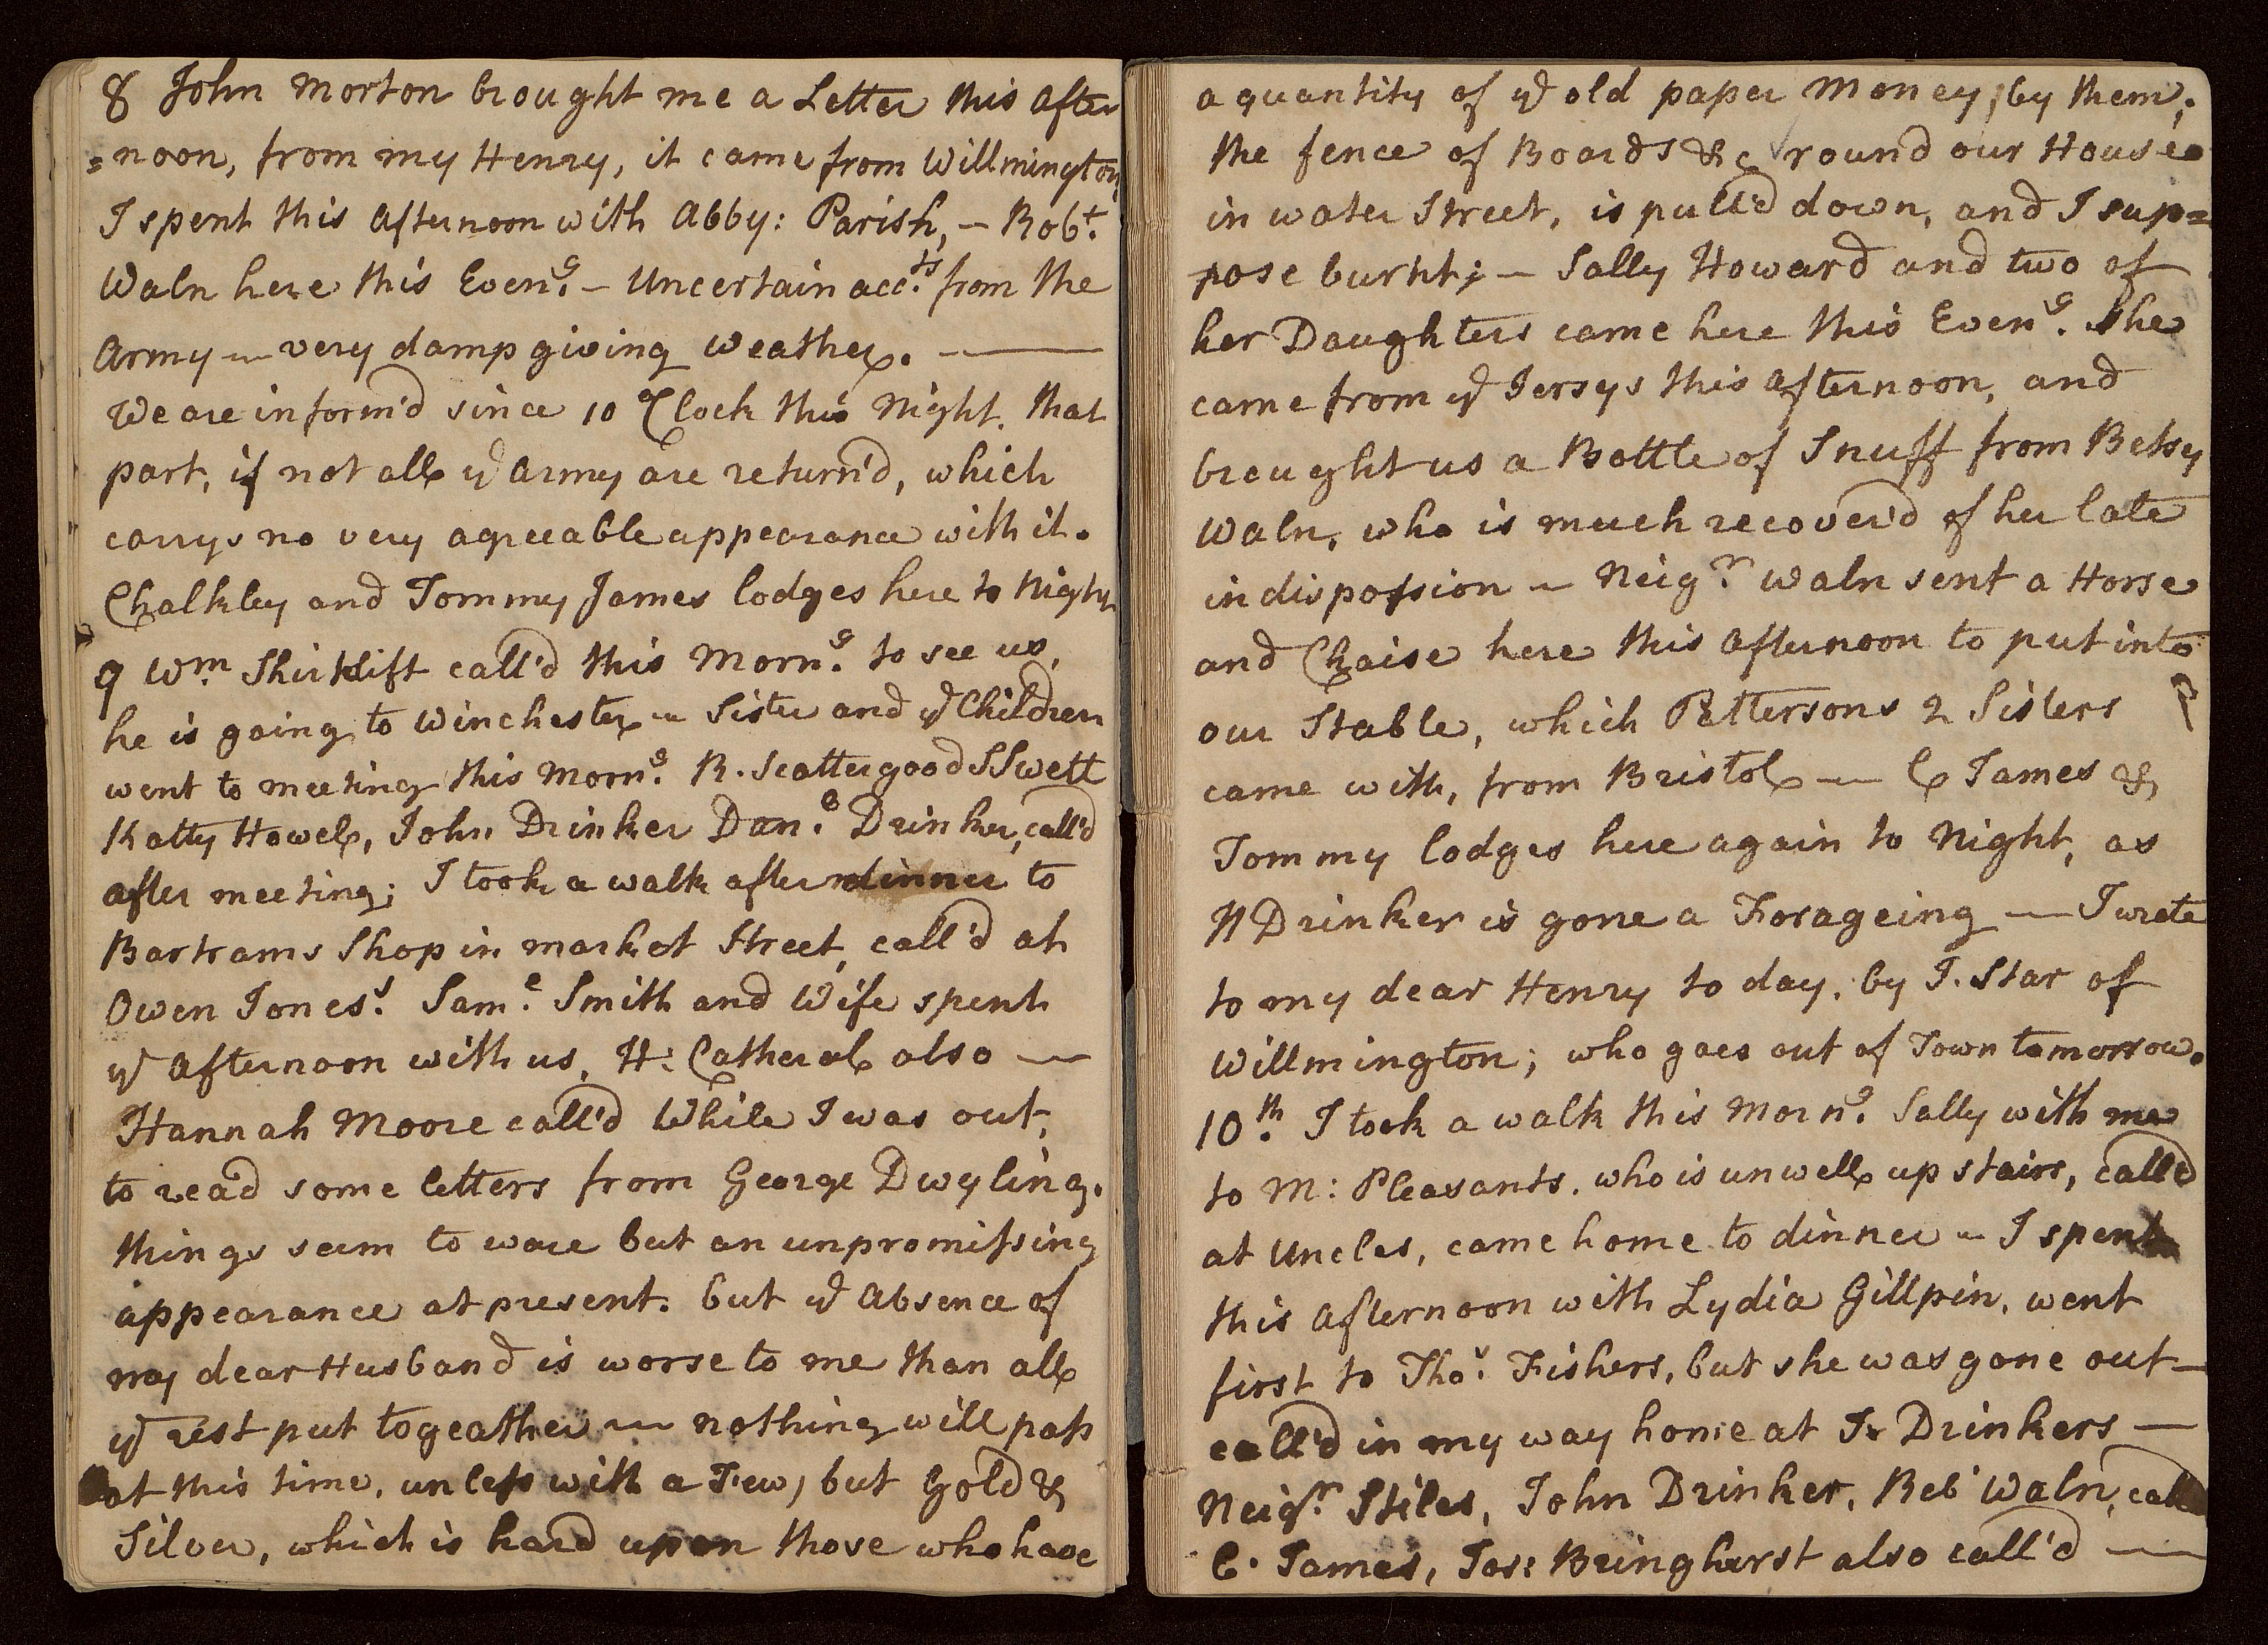8 John Morton brought me a Letter this After
-noon, from my Henry, it came from Willmington
I spent this Afternoon with Abby: Parish,- Rob^t.
Waln here this Even^g.- Uncertain acc^ts. from the
Army- very damp giving weather.-
We are inform'd since 10 ^oClock this Night, that
part, if not all y^e army are return'd, which
carrys no very agreeable appearance with it.
Chalkley and Tommy James lodges here to Night
9 W^m. Shirklift call'd this Morn^g. to see us,
he is going to Winchester - Sister and y^e Children
went to meeting this morn^g. R. Scattergood S Swett
Katty Howel, John Drinker Dan^l. Drinker, call'd
after meeting; I took a walk after dinner to
Bartrams shop in market Street, call'd at
Owen Jones^s. Sam^l. Smith and wife spent
y^e afternoon with us, H: Catheral also-
Hannah Moore call'd While I was out,
to read some letters from George Dwyling.
things seem to ware but an unpromissing
appearance at present. but y^e absence of
my dear Husband is worse to me than all
y^e rest put togeather - nothing will pass
at this time, unless with a Jew, but Gold &
Silver, which is hard upon those who have
a quantity of y^e old paper Money by them;
the fence of Boards &c round our House
in water Street, is pull'd down, and I sup-
-pose burtihj?- Sally Howard and two of
her Daughters came here this Even^g. she
came from y^e Jersys this Afternoon, and
brought us a Bottle of Snuff from Betsy
Waln, who is much recover'd of her late
indispossion- Neig^r. Waln sent a Horse
and Chaise here this afternoon to put into
our Stable, which Pattersons 2 Sisters
came with, from Bristol- C James&
Tommy lodges here again to night, as
H Drinker is gone a Foraging- I wrote
to my dear Henry to day, by J. Star of
Willmington; who goes out of Town tomorrow.
10^th. I took a walk this Morn^g. Sally with me
to M: Pleasants. who is unwell up stairs, calld
at Uncles, came home to dinner- I spent
this afternoon with Lydia Gillpin, went
first to Tho^s. Fishers, but she was gone out-
call'd in my way home at I. Drinkers-
Neig^r. Stiles, John Drinker, Reb' Waln, cal[ld]
C. James, Jos: Bringhurst also call'd-